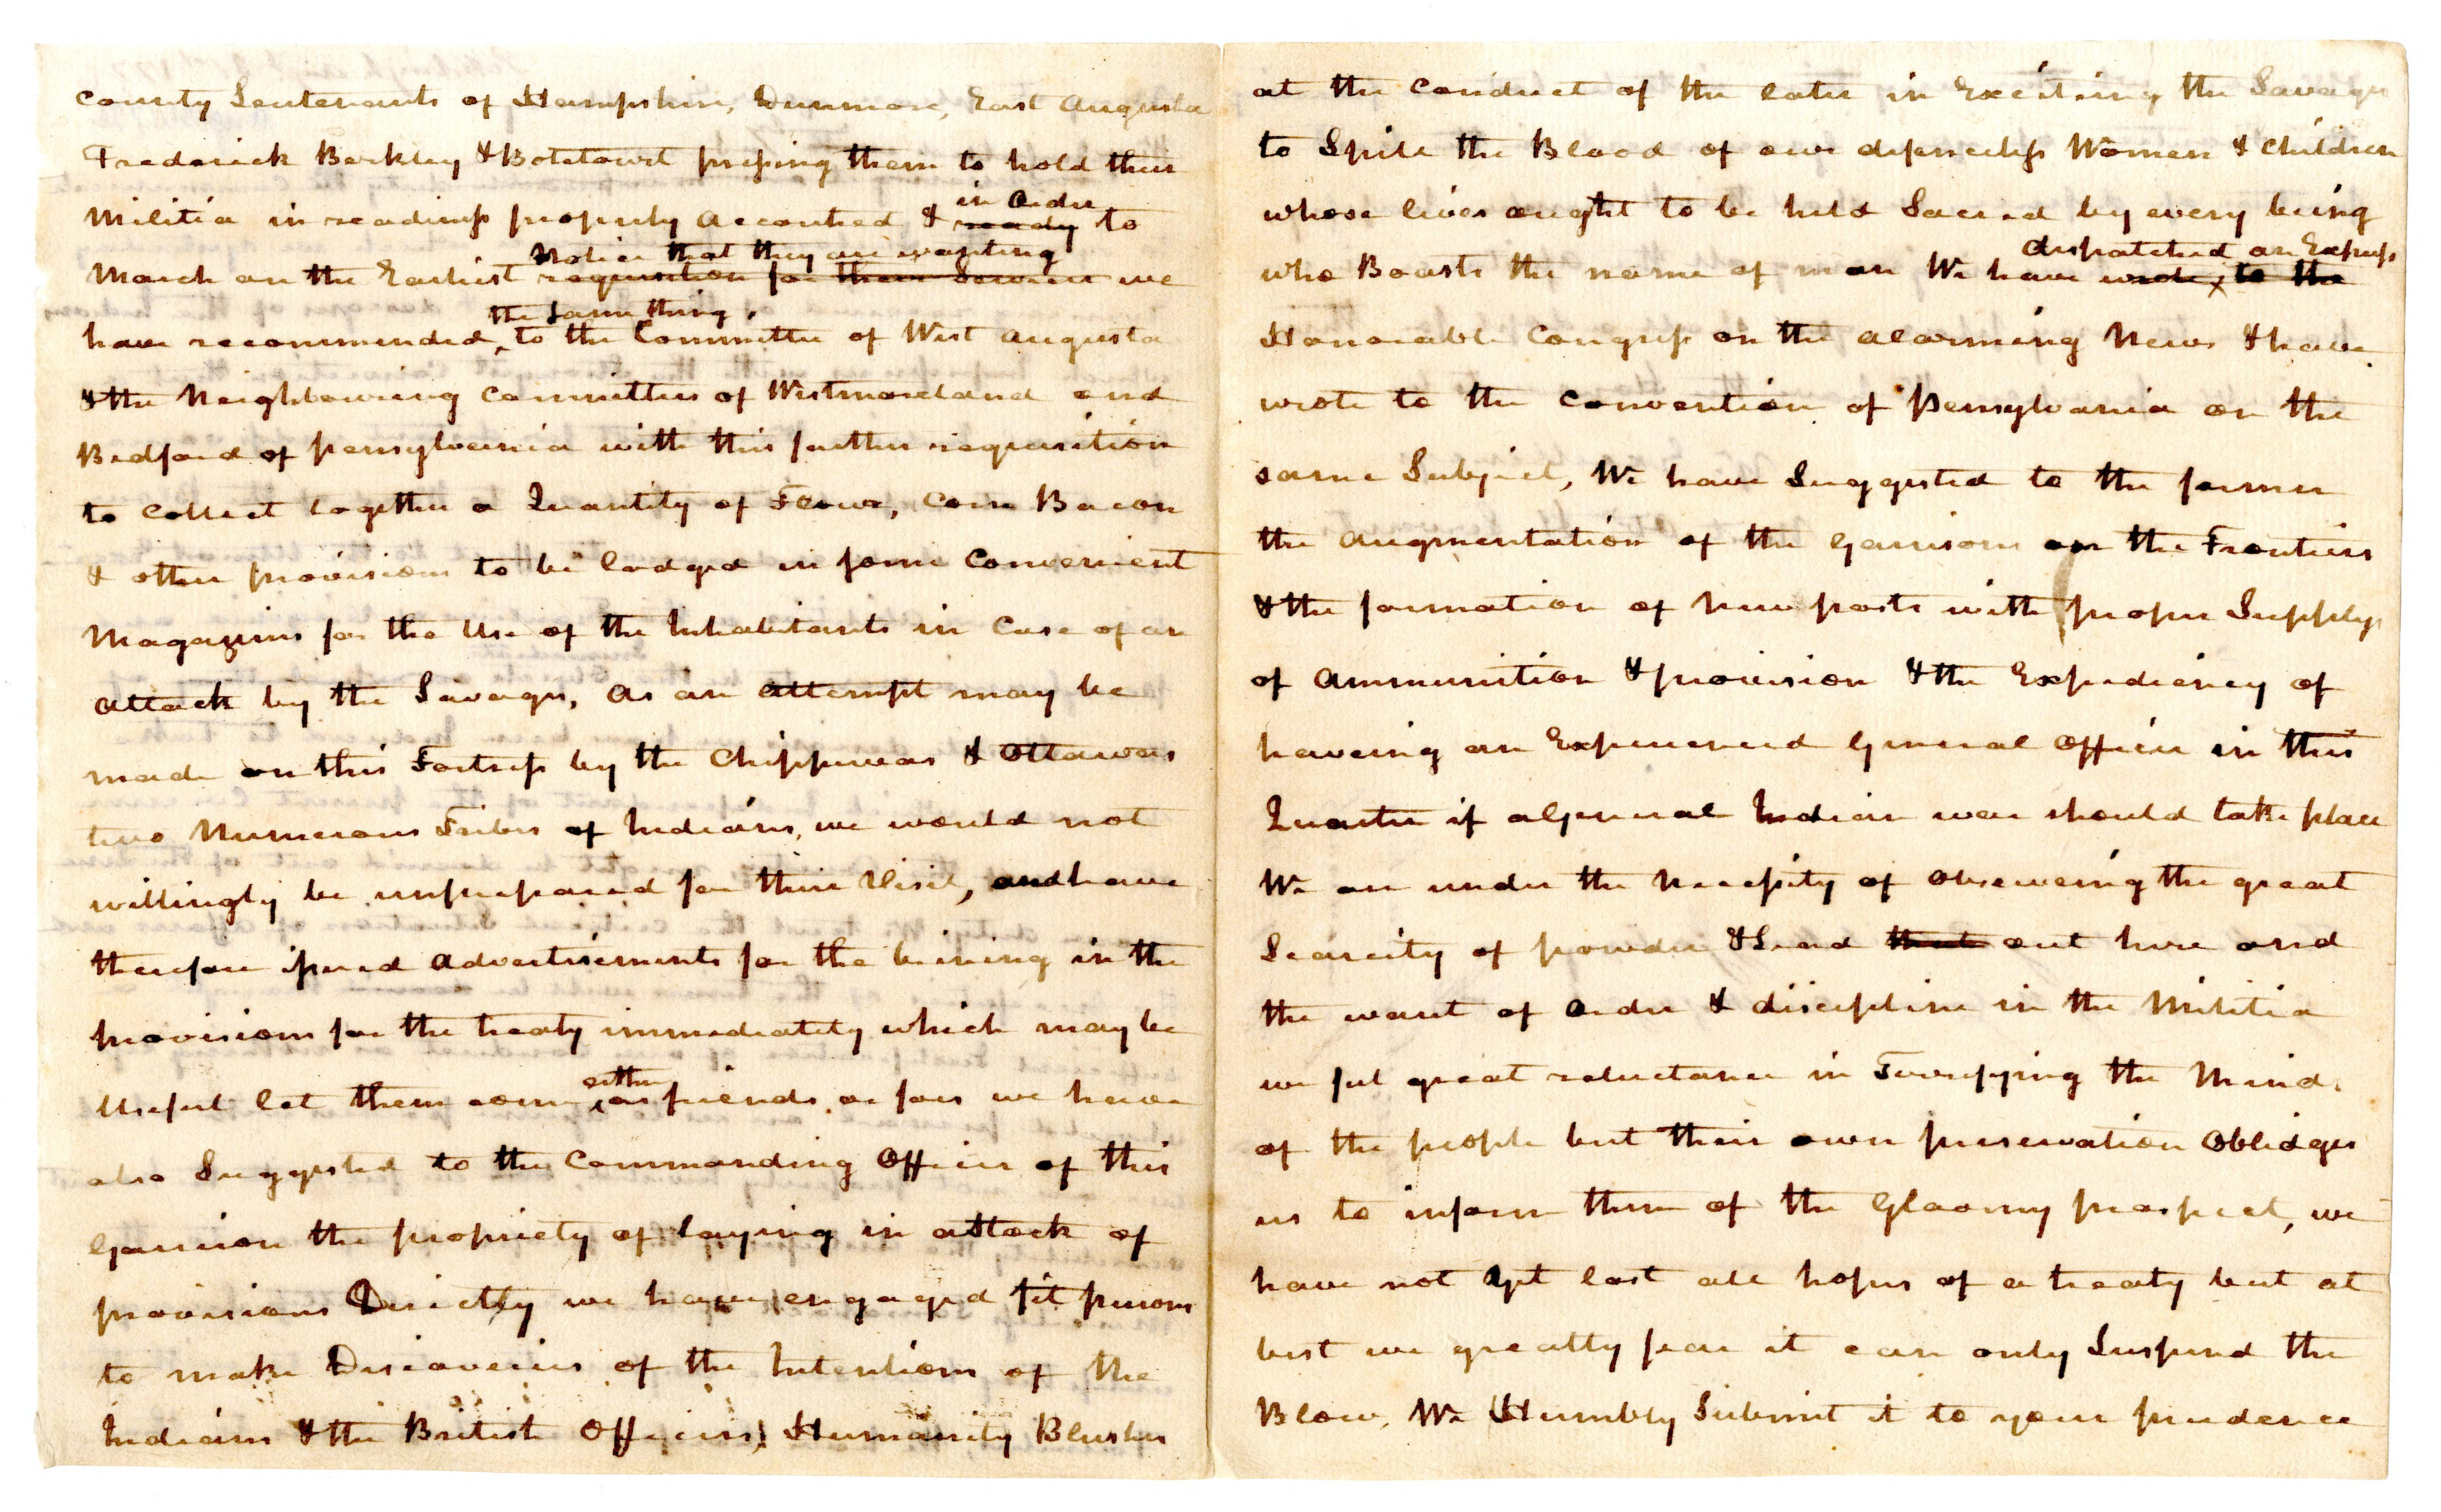county Leutenants of Hampshire, Dunmore, East Augusta
Frederick Barkley & Botatourt pressing them to hold their
in Order
Militia in readiness properly accoutred & [ready] to
notice that they are wanting
March on the Earliest [negotiation for their Service] we
the same thing
have recommended ^ to the Committee of West Augusta
& the Neighbouring Committees of Westmoreland and
Bedford of Pennsylvania with their further negotiation
to collect together a Quantity of Flour, Corn Bacon
& other provisions to be lodged in some Convenient
Magazines for the Use of the Inhabitants in Case of an
attack by the Savages, As an attempt may be
made on this Fortress by the Chippawas & Ottawas
two Numerous Tribes of Indians, we would not
willingly be unprepared for their Visit, and have
therefore issued Advertisements for the having in the
provisions for the treaty immediately which may be
either
Useful let them come ^ as friends or foes we have
also suggested to this Commanding Officer of this
Garrison the propriety of laying in attack of
provisions Directly we have engaged fit persons
to make Discoveries of the Intention of the
Indians & the British Officers, Humanity Blushes
at the conduct of the later in Exciting the Savages
to Spill the Blood of our defenceless Women & Children
whose lives ought to be held Sacred by every being
dispatched an Express
who Boasts the name of man We have [wrote to the]
Honorable Congress on the alarming News & have
wrote to the convention of Pennsylvania on the
same Subject, We have Suggested to the former
the Augmentation of the Garrisons on the Frontiers
& the formation of new posts with proper Supply
of Ammunition & provision & the Expediency of
haveing an Experienced General Officer in this
Quarter if a General Indian war should take place
We are under the Necessity of observing the great
Scarcity of powder & Lead [that] out here and
the want of Order & discipline in the Militia
we feel great reluctance in Terrifying the Mind.
of the people but their own preservation oblidges
us to inform them of the Gloomy prospect, we
have not yet lost all hopes of a treaty but at
best we greatly fear it can only Suspend the
Blow, We Humbly submit it to your prudence